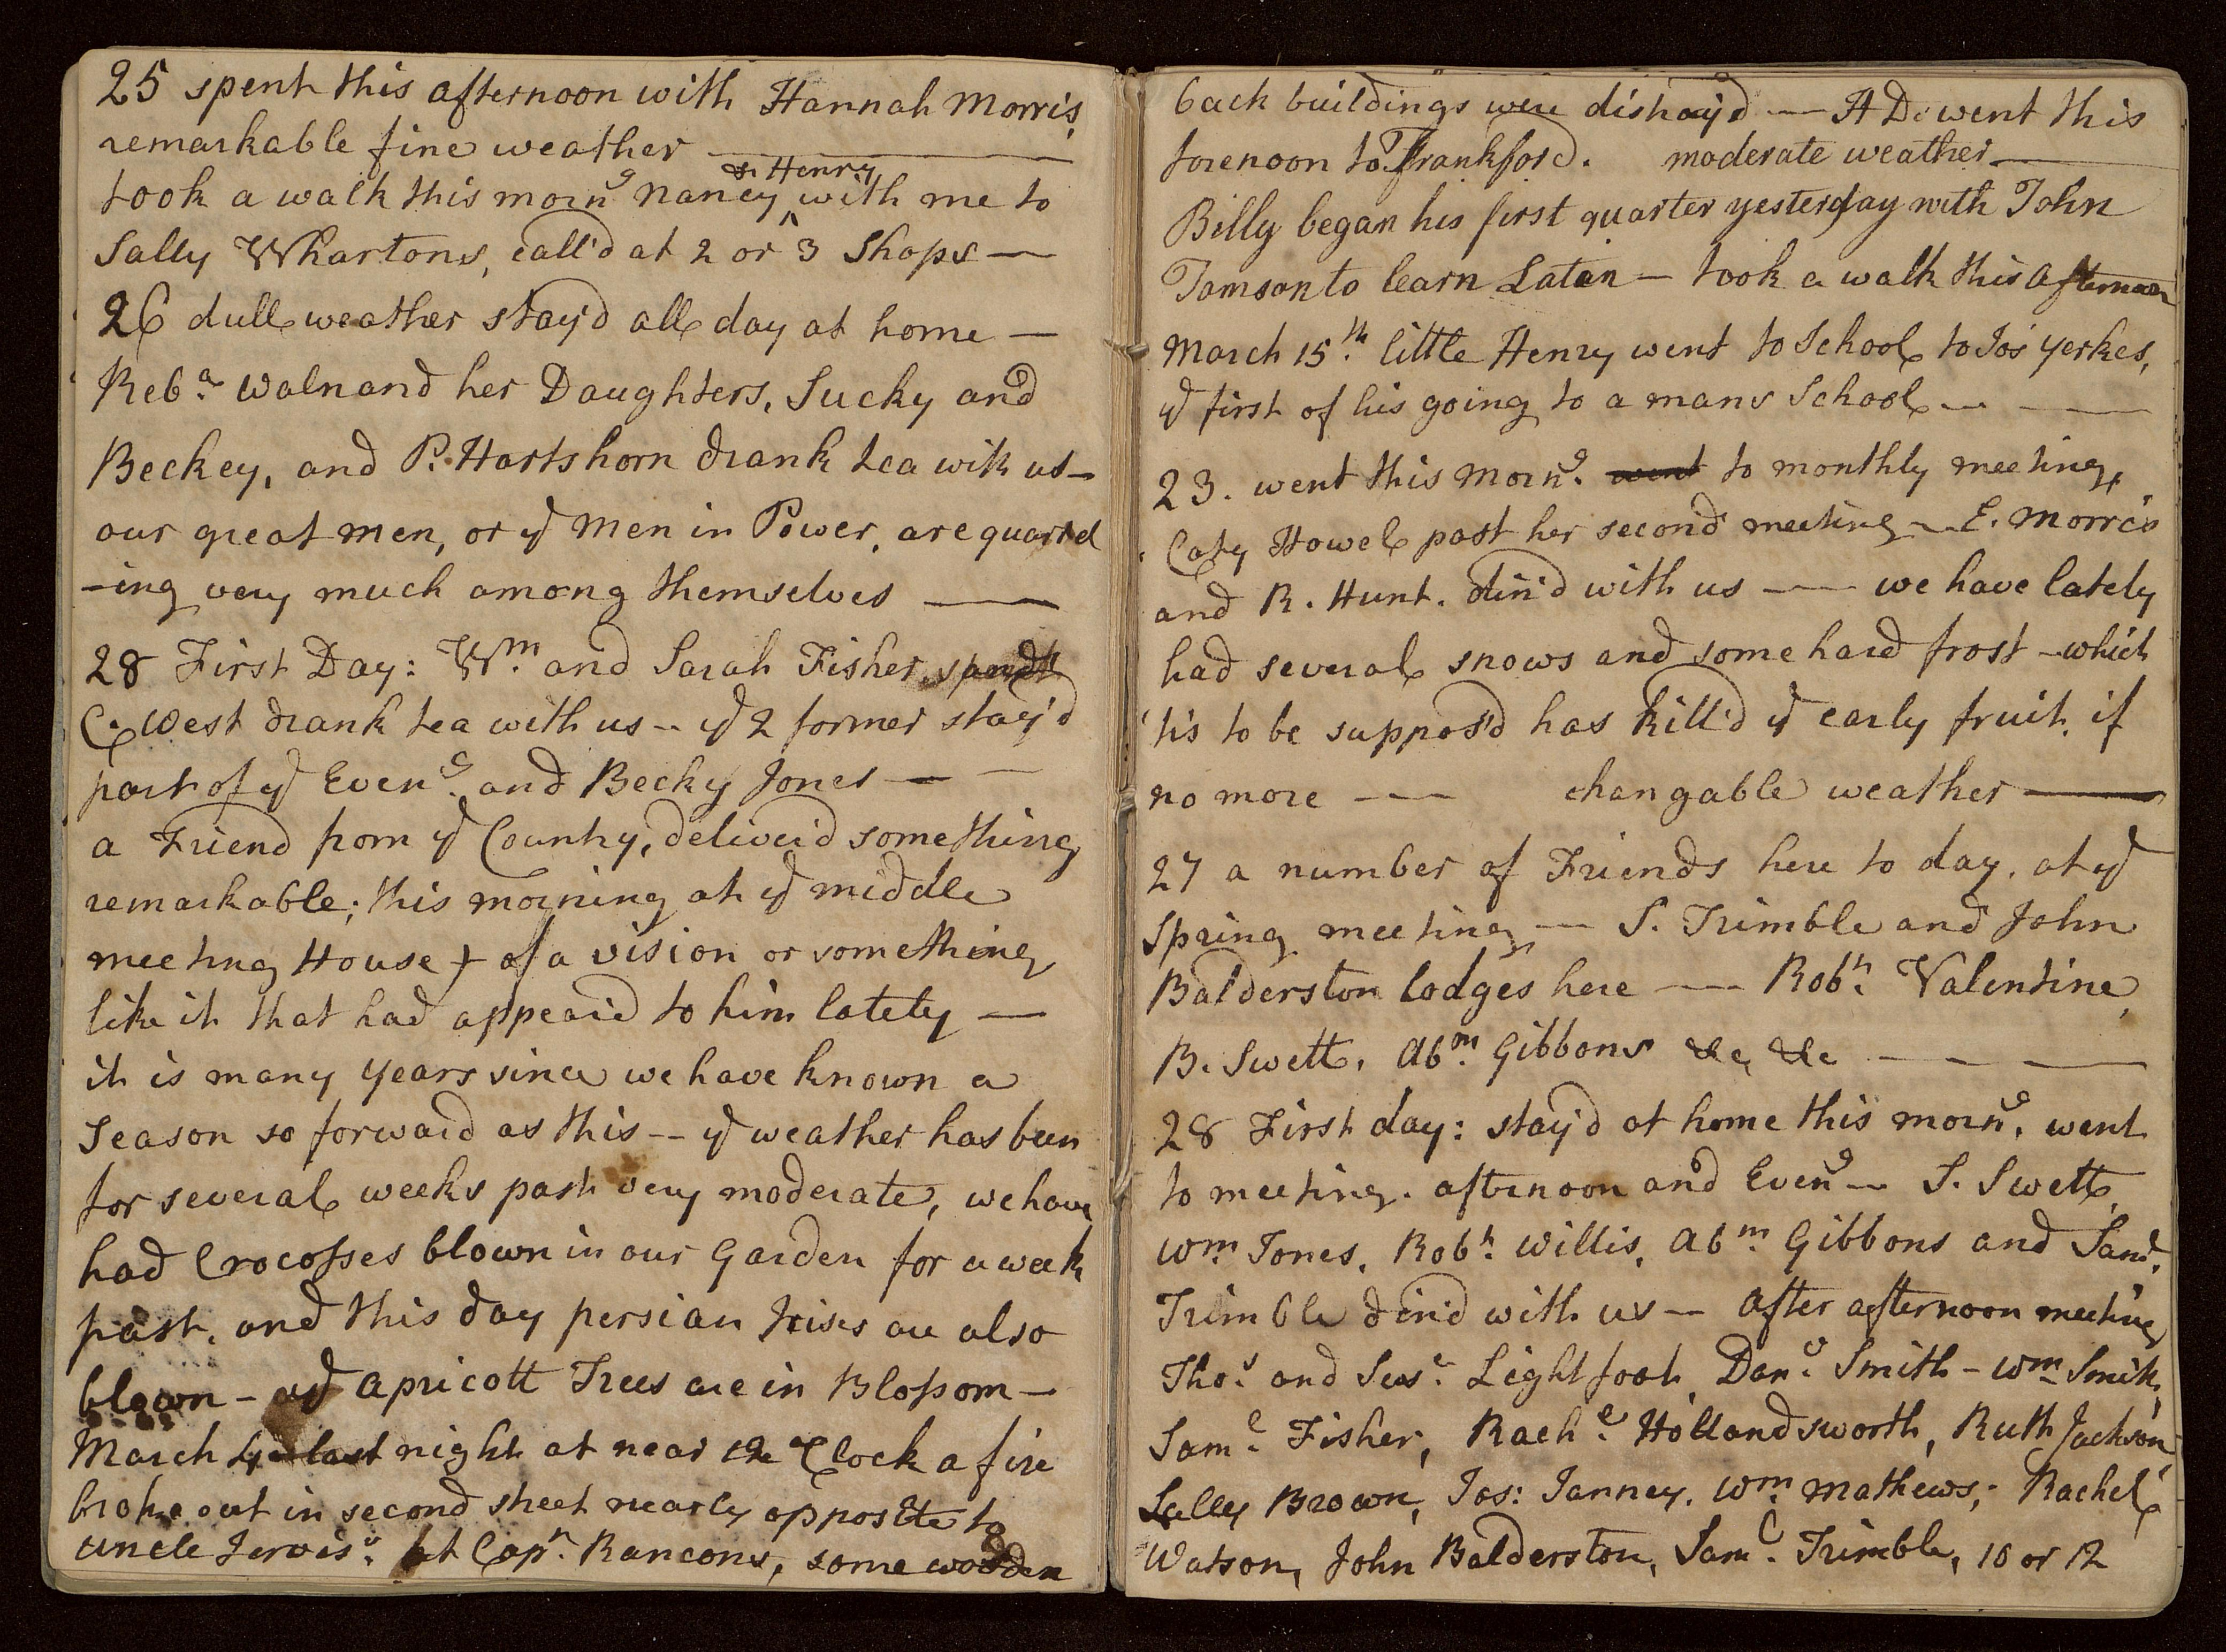25 spent this afternoon with Hannah Morris,
remarkable fine weather-
& Henry
took a walk this morn^g Nancy ^ with me to
Sally Whartons, call'd at 2 or 3 shops-
26 dull weather stay'd all day at home-
Reb^a. Waln and her Daughters, Sucky and
Beckey, and P. Hartshorn drank tea with us-
our great men, or y^e men in Power, are quarrel
-ing very much among themselves-
28 First Day: W^m. and Sarah Fisher and
C. West drank tea with us- y^e 2 former stay'd
part of y^e Even^g. and Becky Jones-
a friend from y^e Country, deliver'd something
remarkable; this morning at y^e middle
meeting House - of a vision or something
like it that had appear'd to him lately-
it is many years since we have known a
season so forward as this-- y^e weather has been
fo several weeks past very moderate, we have
had Crocosses blown in our Garden for a week
past and this day persian Irises are also
bloan- y^e apricott Trees are in Blossom-
March 4 last night at near 12 ^oClock a fire
broke out in second sheet nearly opposite to
Uncle Jervis^s. at Cap^n. Rancons, some wodden
back buildings were distroy'd- H D. went this
forenoon to Frankford. moderate weather-
Billy began his first quarter yesterday with John
Tomson to learn Latin- took a walk this Afternoon
March 15^th. little Henry went to School to Jos' Yorkes,
y^e first of his going to a mans School-
23. went this morn^g. [went] to monthly meeting,
Caty Howel past her second meeting- E. Morris
and R. Hunt. din'd with us- we have lately
had several snows and some hard frost- which
'tis to be suppos'd has kill'd y^e early fruit, if
no more-- changable weather-
27 a number of Friends here to day, at y^e
spring meeting- S. Trimble and John
Balderston lodges here- Rob^t. Valentine,
B. Swett, Ab^m. Gibbons &c &c--
28 First day: stay'd at home this morn^g. went
to meeting. afternoon and Even^g- S. Swett,
W^m. Jones, Rob^t. Willis, Ab^m. Gibbons and Sam^l.
Trimble din'd with us- After afternoon meeting
Tho^s. and Seas^l. Lightfoot, Dan^y. Smith- W^m. Smith,
Sam^l. Fisher, Rach^l. Hollandsworth, Ruth Jackson,
Sally Brown, Jos: Janney, W^m. Mathews; Rachel
Watson, John Balderston, Sam^l. Trimble, 10 or 12